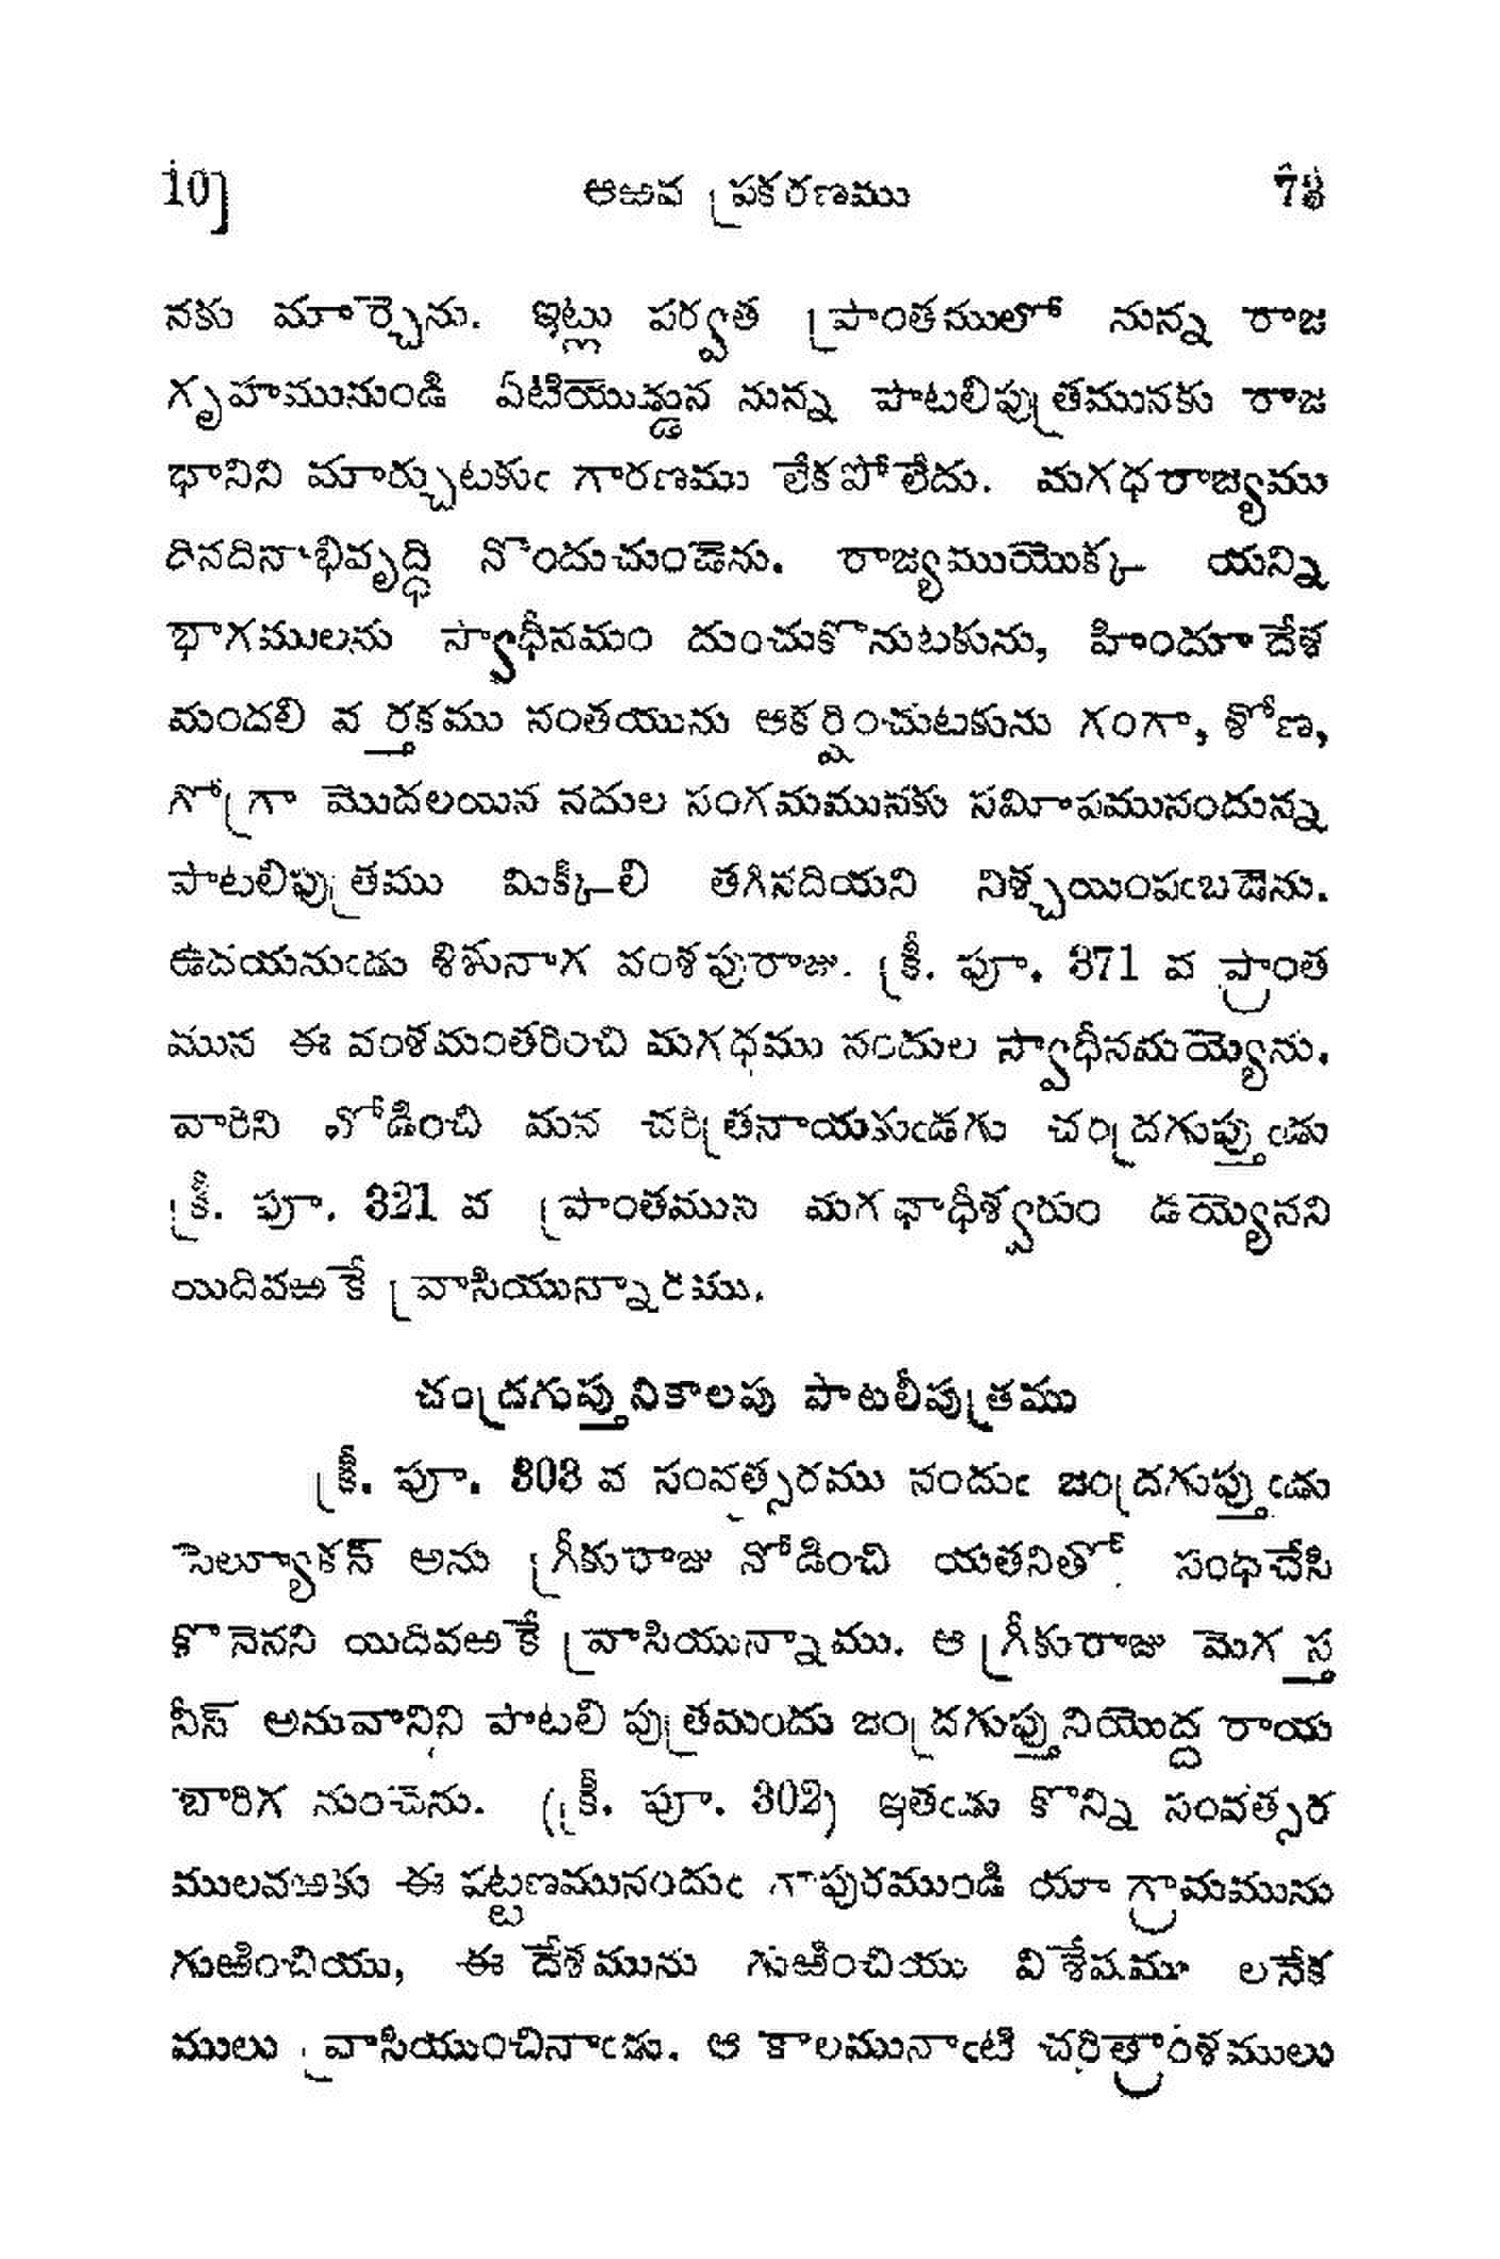నకు మార్చెను. ఇట్లు పర్వత ప్రాంతములో నున్న రాజ గృహమునుండి ఏటియొడ్డున నున్న పాటలిపుత్రమునకు రాజధానిని మార్చుటకుఁ గారణము లేకపోలేదు. మగధరాజ్యము దినదినాభివృద్ధి నొందుచుండెను. రాజ్యము యొక్క యన్ని భాగములను స్వాధీనమం దుంచుకొనుటకును, హిందూదేశ మందలి వర్తకము నంతయును ఆకర్షించుటకును గంగా, శోణ, గోగ్రా మొదలయిన నదుల సంగమమునకు సమీపమునందున్న పాటలిపుత్రము మిక్కిలి తగినదియని నిశ్చయింపఁబడెను. ఉదయనుఁడు శిశునాగ వంశపురాజు. క్రీ. పూ. 371 వ ప్రాంతమున ఈ వంశమంతరించి మగధము నందుల స్వాధీనమయ్యెను. వారిని వోడించి మన చరిత్రనాయకుఁడగు చంద్రగుప్తుడు కీ. పూ. 321 వ ప్రాంతమున మగధాధీశ్వరుం డయ్యెనని యిదివఱకే వ్రాసియున్నారము.

చంద్రగుప్తునికాలపు పాటలీపుత్రము

క్రీ. పూ. 303 వ సంవత్సరము నందుఁ జంద్రగుప్తుడు సెల్యూకస్ అను గ్రీకురాజు నోడించి యతనితో సంధి చేసి కొనెనని యిదివఱకే వ్రాసియున్నాము. ఆ గ్రీకురాజు మెగస్తనీస్ అనువానిని పాటలి పుత్రమందు జంద్రగుప్తునియొద్ద రాయబారిగ నుంచెను. ( క్రీ. పూ. 302) ఇతఁడు కొన్ని సంవత్సరములవఱకు ఈ పట్టణమునందుఁ గాపురముండి యా గ్రామమును గుఱించియు, ఈ దేశమును గుఱించియు విశేషము లనేకములు , వ్రాసియుంచినాఁడు. ఆ కాలమునాఁటి చరిత్రాంశములు